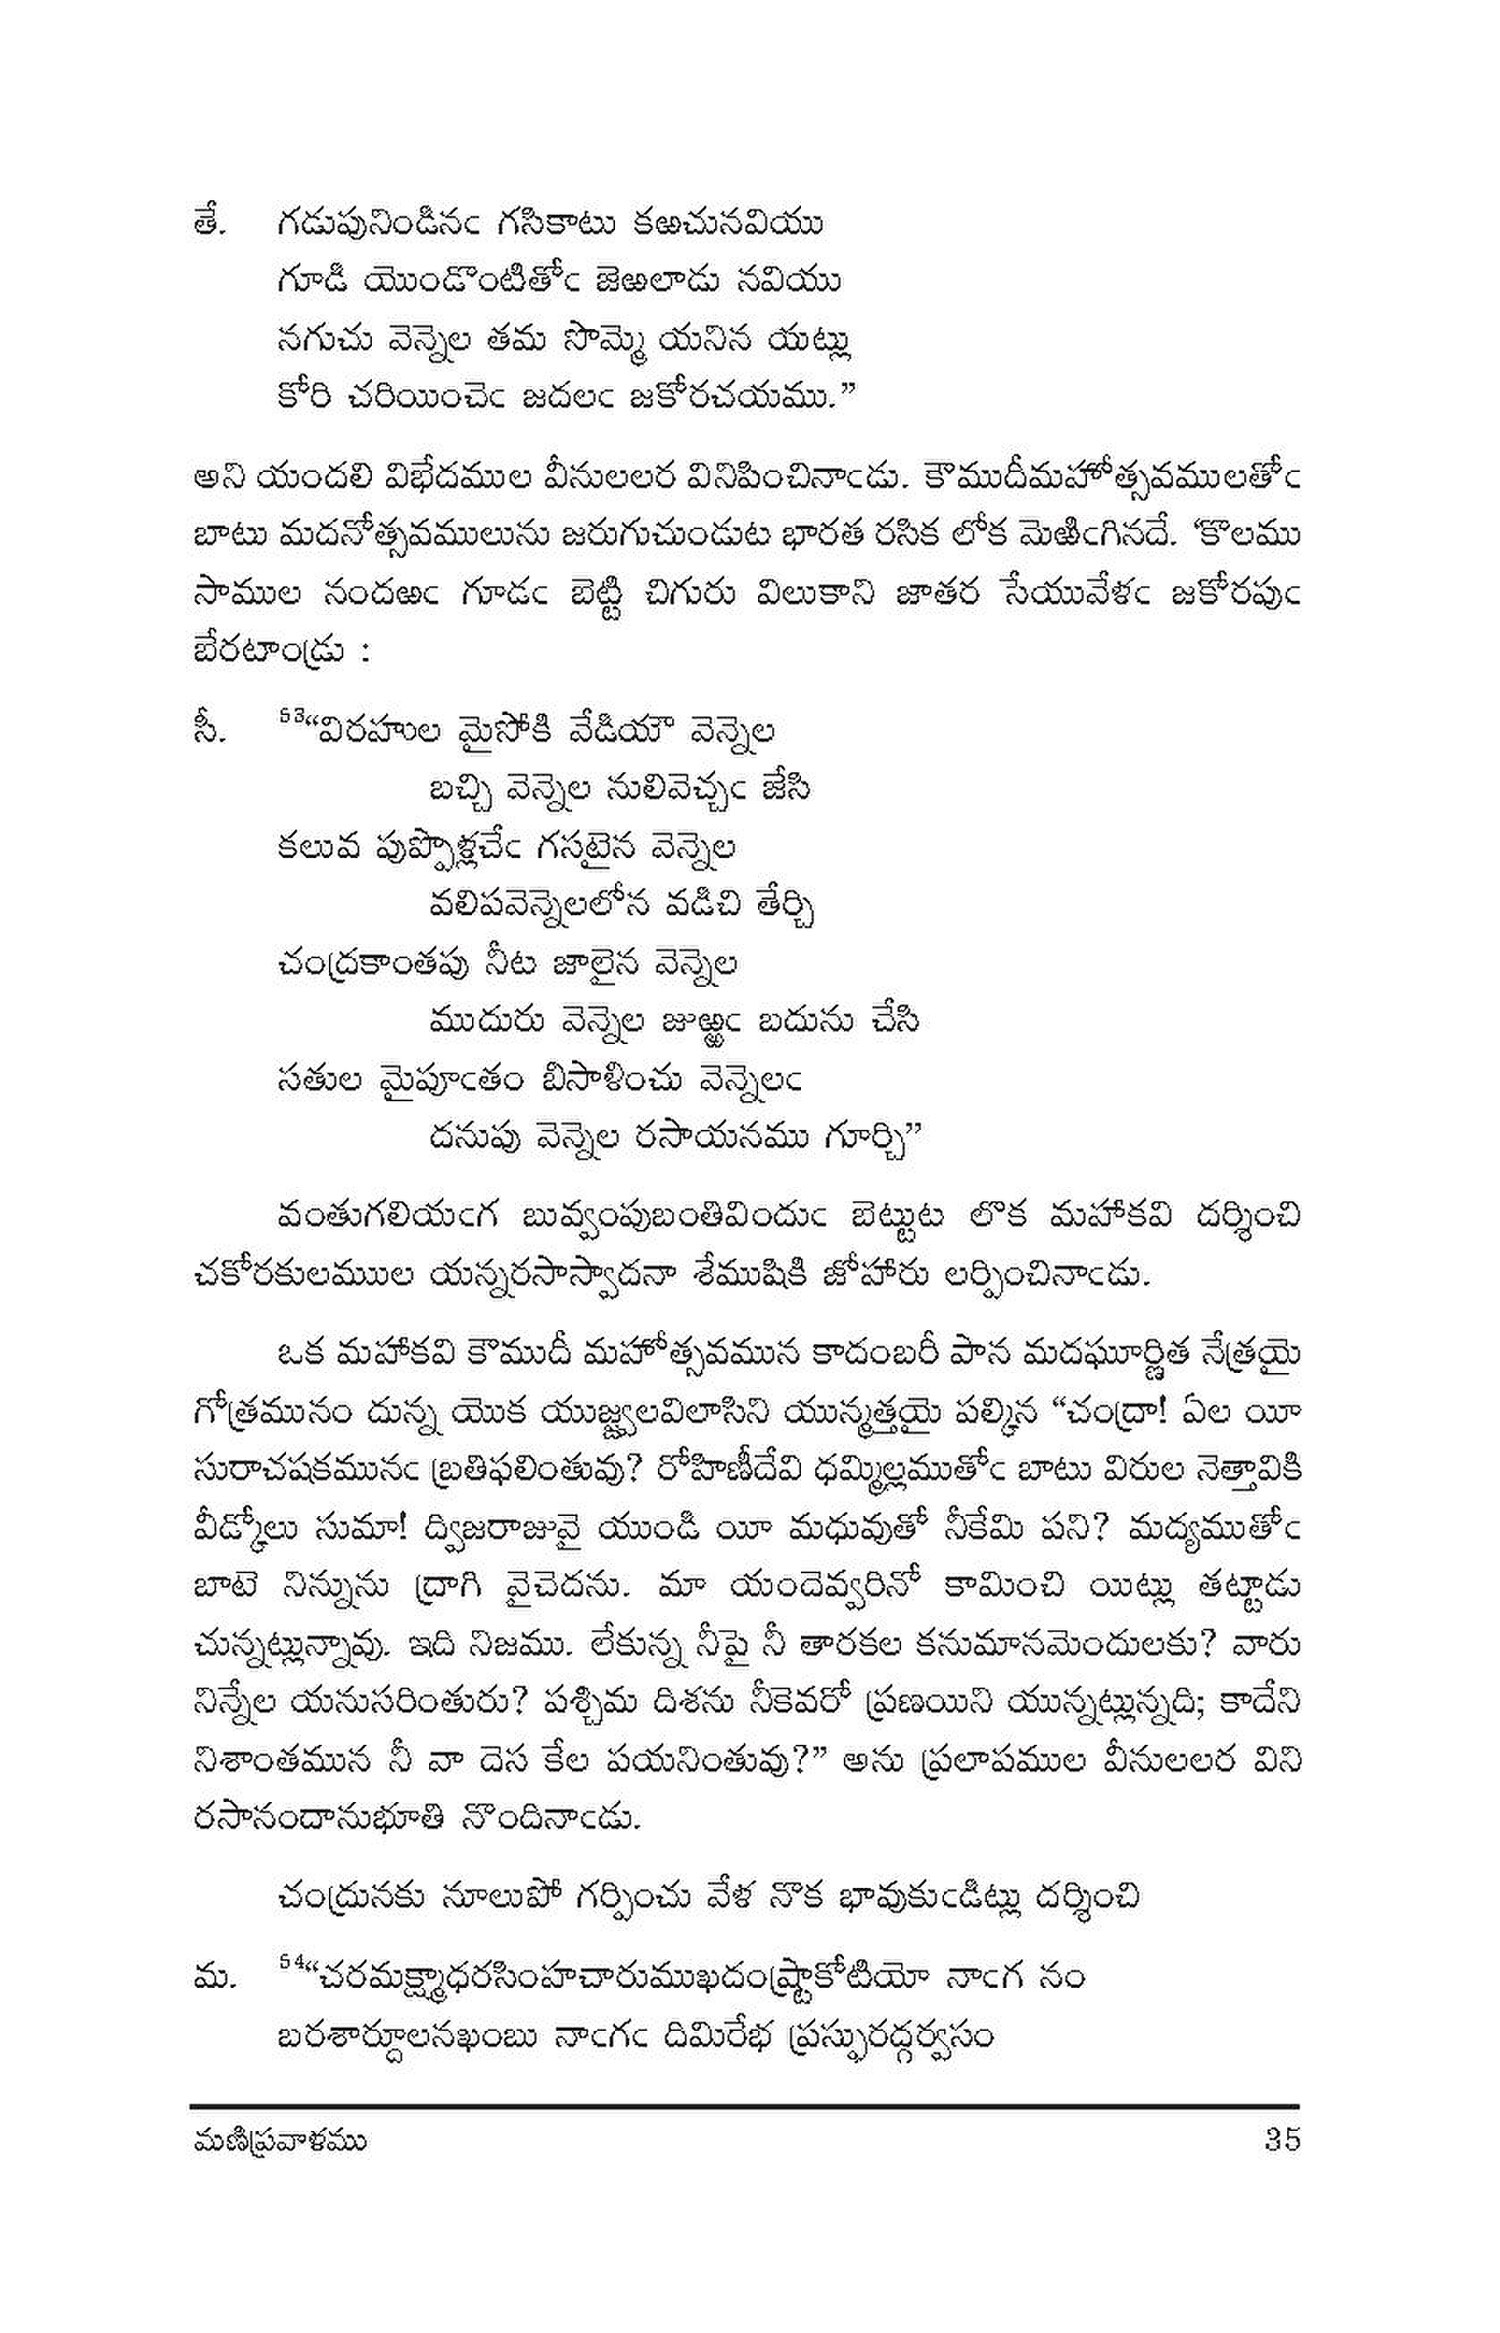తే. గడుపునిండినఁ గసికాటు కఱచునవియు
 గూడి యొండొంటితోఁ జెఱలాడు నవియు
 నగుచు వెన్నెల తమ సొమ్మె యనిన యట్లు
 కోరి చరియించెఁ జదలఁ జకోరచయము

అని యందలి విభేదముల వీనులలర వినిపించినాఁడు. కౌముదీమహోత్సవములతోఁ
బాటు మదనోత్సవములును జరుగుచుండుట భారత రసిక లోక మెఱిఁగినదే. 'కొలము
సాముల నందఱఁ గూడఁ బెట్టి చిగురు విలుకాని జాతర సేయువేళఁ జకోరపుఁ
బేరటాండ్రు :

సీ. విరహుల మైసోకి వేడియౌ వెన్నెల
 బచ్చి వెన్నెల నులివెచ్చఁ జేసి
 కలువ పుప్పొళ్లచేఁ గసటైన వెన్నెల
 వలిపవెన్నెలలోన వడిచి తేర్చి
 చంద్రకాంతపు నీట జాలైన వెన్నెల
 ముదురు వెన్నెల జుట్టఁ బదును చేసి
 సతుల మైపూఁతం బిసాళించు వెన్నెలఁ
 దనుపు వెన్నెల రసాయనము గూర్చి

వంతుగలియఁగ బువ్వంపుబంతివిందుఁ బెట్టుట లొక మహాకవి దర్శించి
చకోరకులముల యన్నరసాస్వాదనా శేముషికి జోహారు లర్పించినాఁడు.

ఒక మహాకవి కౌముదీ మహోత్సవమున కాదంబరీ పాన మదఘూర్ణిత నేత్రయై
గోత్రమునం దున్న యొక యుజ్జ్వలవిలాసిని యున్మతయై పల్కిన “చంద్రా! ఏల యీ
సురాచషకమునఁ బ్రతిఫలింతువు? రోహిణీదేవి ధమ్మిల్లముతోఁ బాటు విరుల నెత్తానికి
వీడ్కోలు సుమా! ద్విజరాజువై యుండి యీ మధువుతో నీకేమి పని? మద్యముతోఁ
బాటె నిన్నును ద్రాగి వైచెదను. మా యందెవ్వరినో కామించి యిట్లు తట్టాడు
చున్నట్లున్నావు. ఇది నిజము. లేకున్న నీపై నీ తారకల కనుమానమెందులకు? వారు
నిన్నేల యనుసరింతురు? పశ్చిమ దిశను నీకెవరో ప్రణయిని యున్నట్లున్నది; కాదేని
నిశాంతమున నీ నా దెస కేల పయనింతువు?" అను ప్రలాపముల వీనులలర విని
రసానందానుభూతి నొందినాఁడు.

చంద్రునకు నూలుపో గర్పించు వేళ నొక భావుకుఁడిట్లు దర్శించి

మ. చరమక్ష్మాధరసింహచారుము ఖదంష్ట్రాకోటియో నాఁగ నం
 బరశార్దూలనఖంబు నాఁగఁ దిమిరేభ ప్రస్ఫురద్గర్వసం